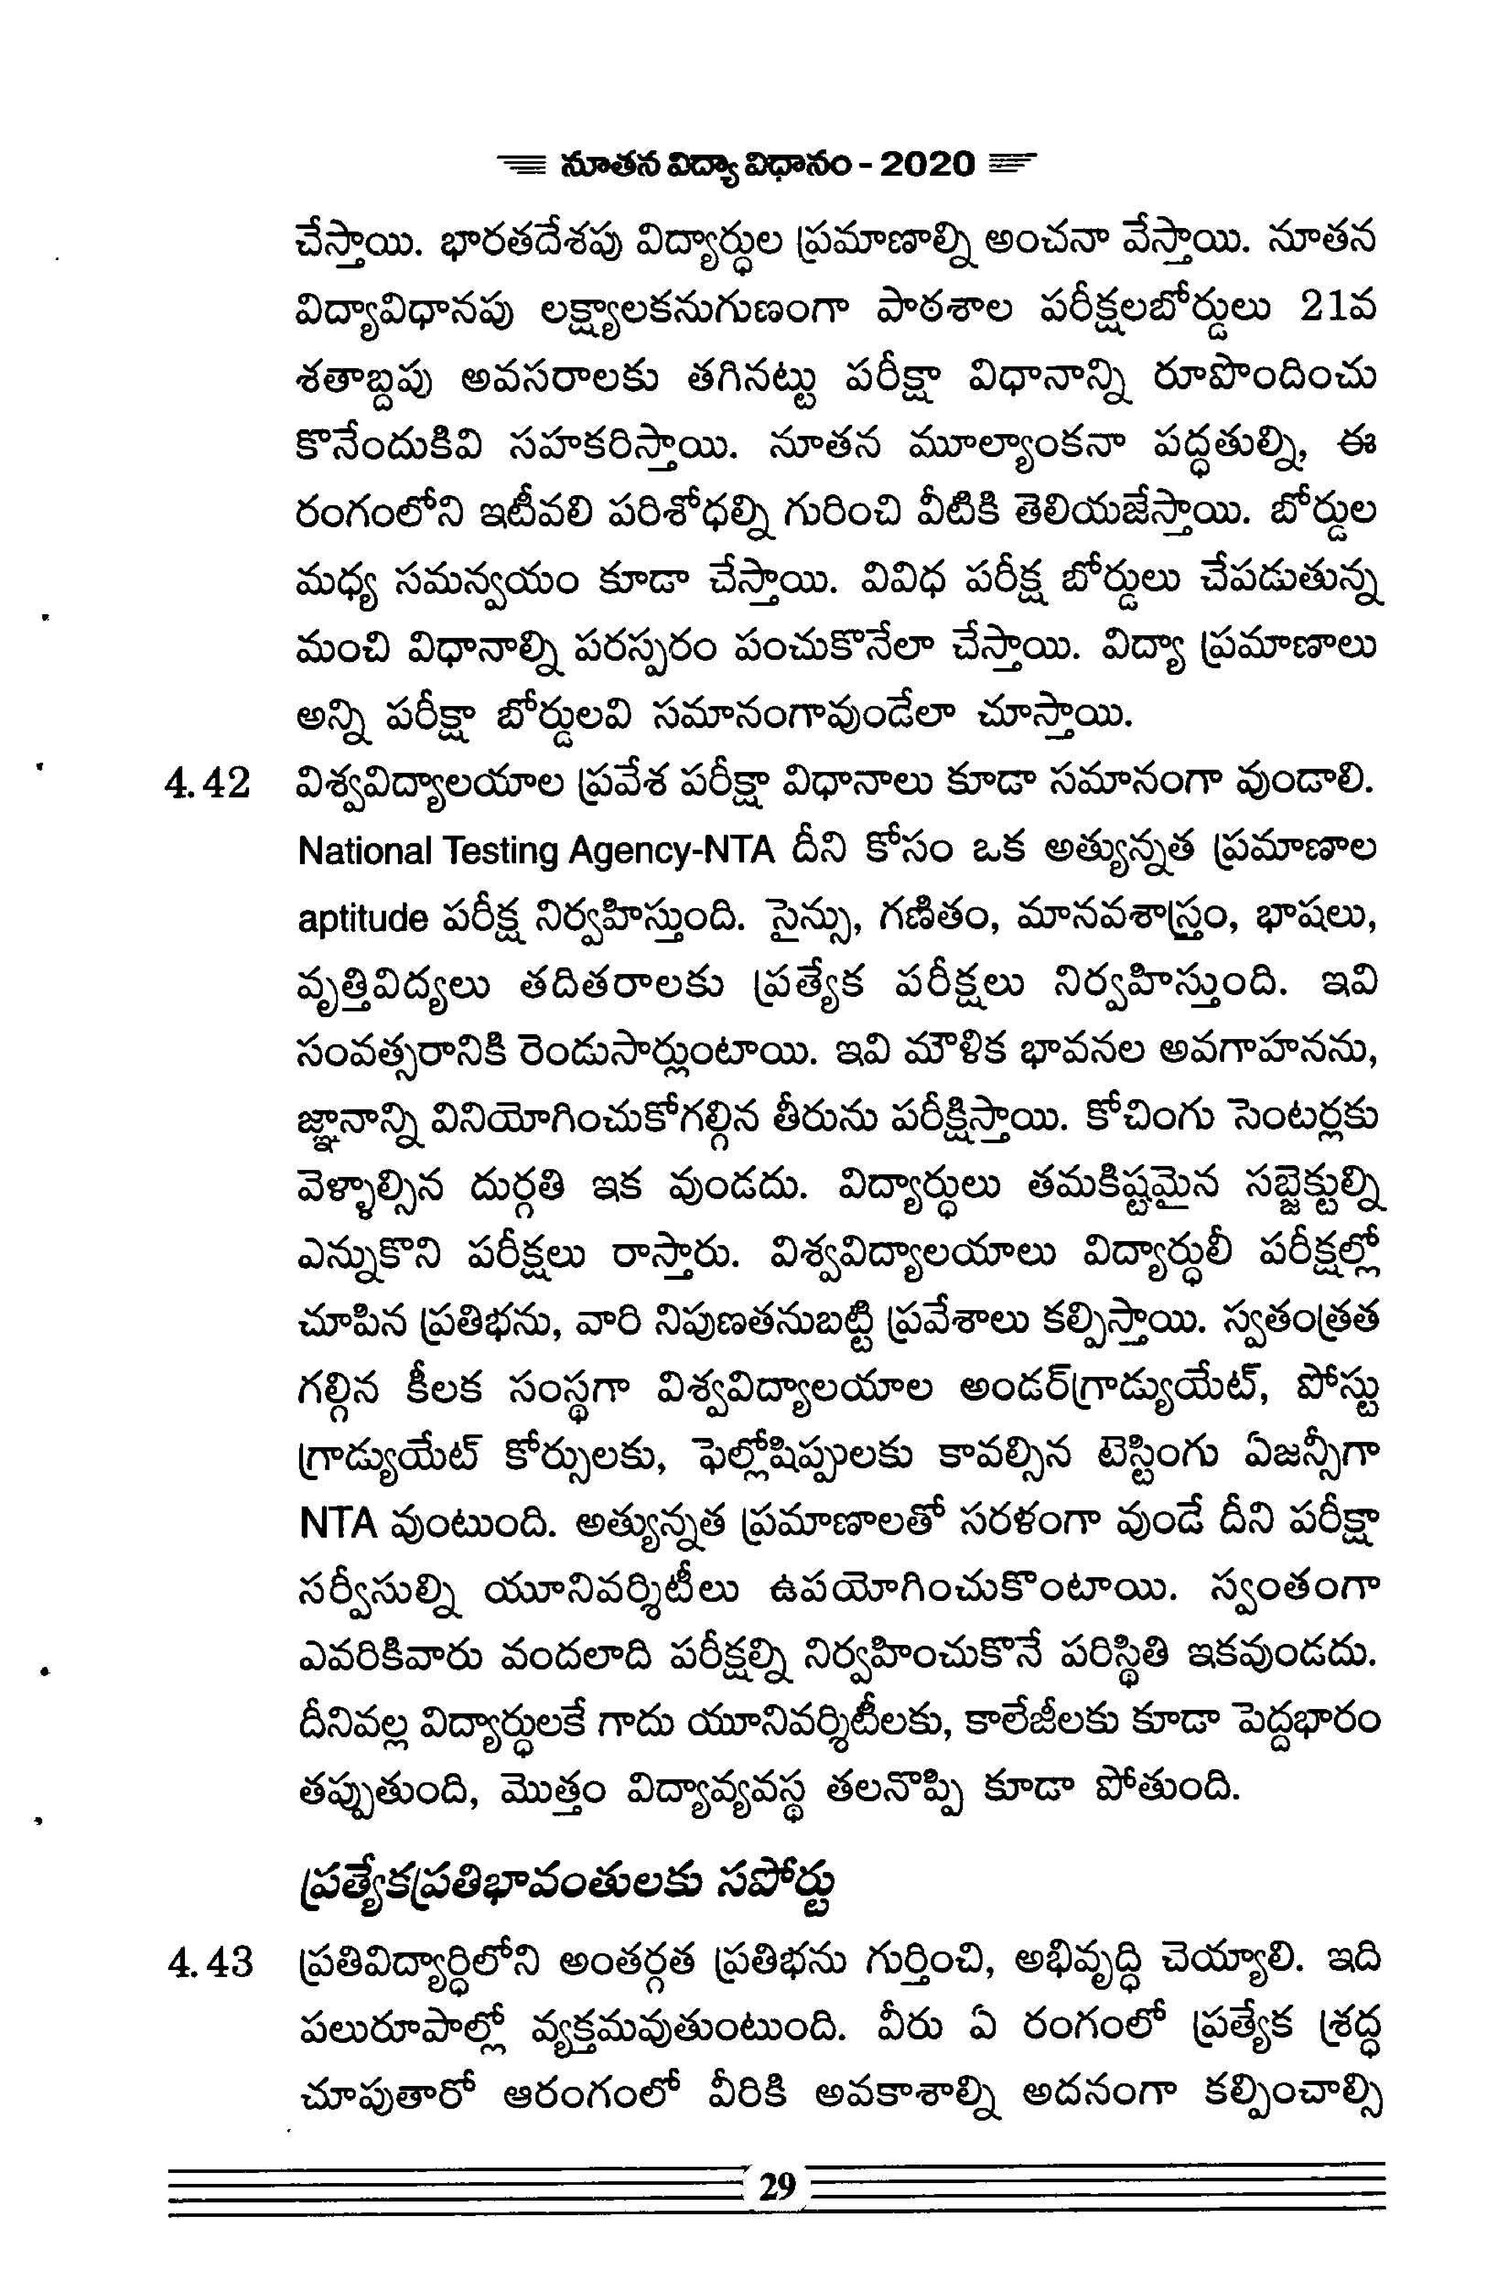చేస్తాయి. భారతదేశపు విద్యార్థుల ప్రమాణాలను అంచనా వేస్తాయి. నూతన విద్యావిధానపు లక్ష్యాలకనుగుణంగా పాఠశాల పరీక్షా బోర్డులు 21వ శతాబ్దపు అవసరాలకు తగినట్టు పరీక్షా విధానాన్ని రూపొందించుకోవడంలో ఇవి సహకరిస్తాయి. నూతన మూల్యాంకన పద్ధతులు, ఈ రంగంలోని ఇటీవలి పరిశోధనలను వీటికి తెలియజేస్తాయి. బోర్డుల మధ్య సమన్వయాన్ని కూడా ఈ సంస్థలు చేస్తాయి. వివిధ పరీక్షా బోర్డులు చేపడుతున్న మంచి విధానాలను పరస్పరం పంచుకునేందుకు వీలు కల్పిస్తాయి. విద్యా ప్రమాణాలు అన్ని పరీక్షా బోర్డులకు సమానంగా ఉండేలా చూస్తాయి.

4.42
విశ్వవిద్యాలయాల ప్రవేశ పరీక్షా విధానాలు కూడా సమానంగా ఉండాలి. National Testing Agency (NTA) దీనికి సంబంధించి అత్యున్నత ప్రమాణాల aptitude పరీక్ష నిర్వహిస్తుంది. సైన్స్, గణితం, మానవ శాస్త్రం, భాషలు, వృత్తి విద్యలు తదితరాలకు ప్రత్యేక పరీక్షలు నిర్వహిస్తుంది. ఇవి సంవత్సరానికి రెండు సార్లు ఉంటాయి. ఇవి మౌళిక భావనల అవగాహనను, జ్ఞానాన్ని వినియోగించుకోవడాన్ని పరీక్షిస్తాయి. కోచింగ్ సెంటర్లకు వెళ్ళాల్సిన అవసరం ఇక ఉండదు. విద్యార్థులు తమకు ఇష్టమైన సబ్జెక్టులను ఎంచుకొని పరీక్షలు రాస్తారు. విశ్వవిద్యాలయాలు విద్యార్థుల ఈ పరీక్షల్లో చూపిన ప్రతిభను, వారి నిపుణతను బట్టి ప్రవేశాలు కల్పిస్తాయి.

స్వతంత్రత కలిగిన కీలక సంస్థగా విశ్వవిద్యాలయాల అండర్ గ్రాడ్యుయేట్, పోస్టు గ్రాడ్యుయేట్ కోర్సులు, ఫెలోషిప్పులకు కావలసిన టెస్టింగ్ ఏజెన్సీగా NTA ఉంటుంది. అత్యున్నత ప్రమాణాలతో సరళమైన ఈ పరీక్షా సేవలను యూనివర్సిటీలు ఉపయోగిస్తాయి. స్వంతంగా వందలాది పరీక్షలను నిర్వహించుకునే పరిస్థితి ఇక ఉండదు. దీనివల్ల విద్యార్థులకు మాత్రమే కాదు, యూనివర్సిటీలు, కాలేజీలకు కూడా పెద్ద భారం తేలుతుంది; మొత్తం విద్యా వ్యవస్థకు తలనొప్పి కూడా తగ్గుతుంది.

ప్రత్యేక ప్రతిభావంతులకు సపోర్టు

4.43
ప్రతివిద్యార్థిలోని అంతర్గత ప్రతిభను గుర్తించి, అభివృద్ధి చేయాలి. ఇది పలురూపాల్లో వ్యక్తమవుతుంది. వారు ఏ రంగంలో ప్రత్యేక శ్రద్ధ చూపుతారో ఆ రంగంలో వారికి అదనపు అవకాశాలను కల్పించాల్సి ఉంటుంది.